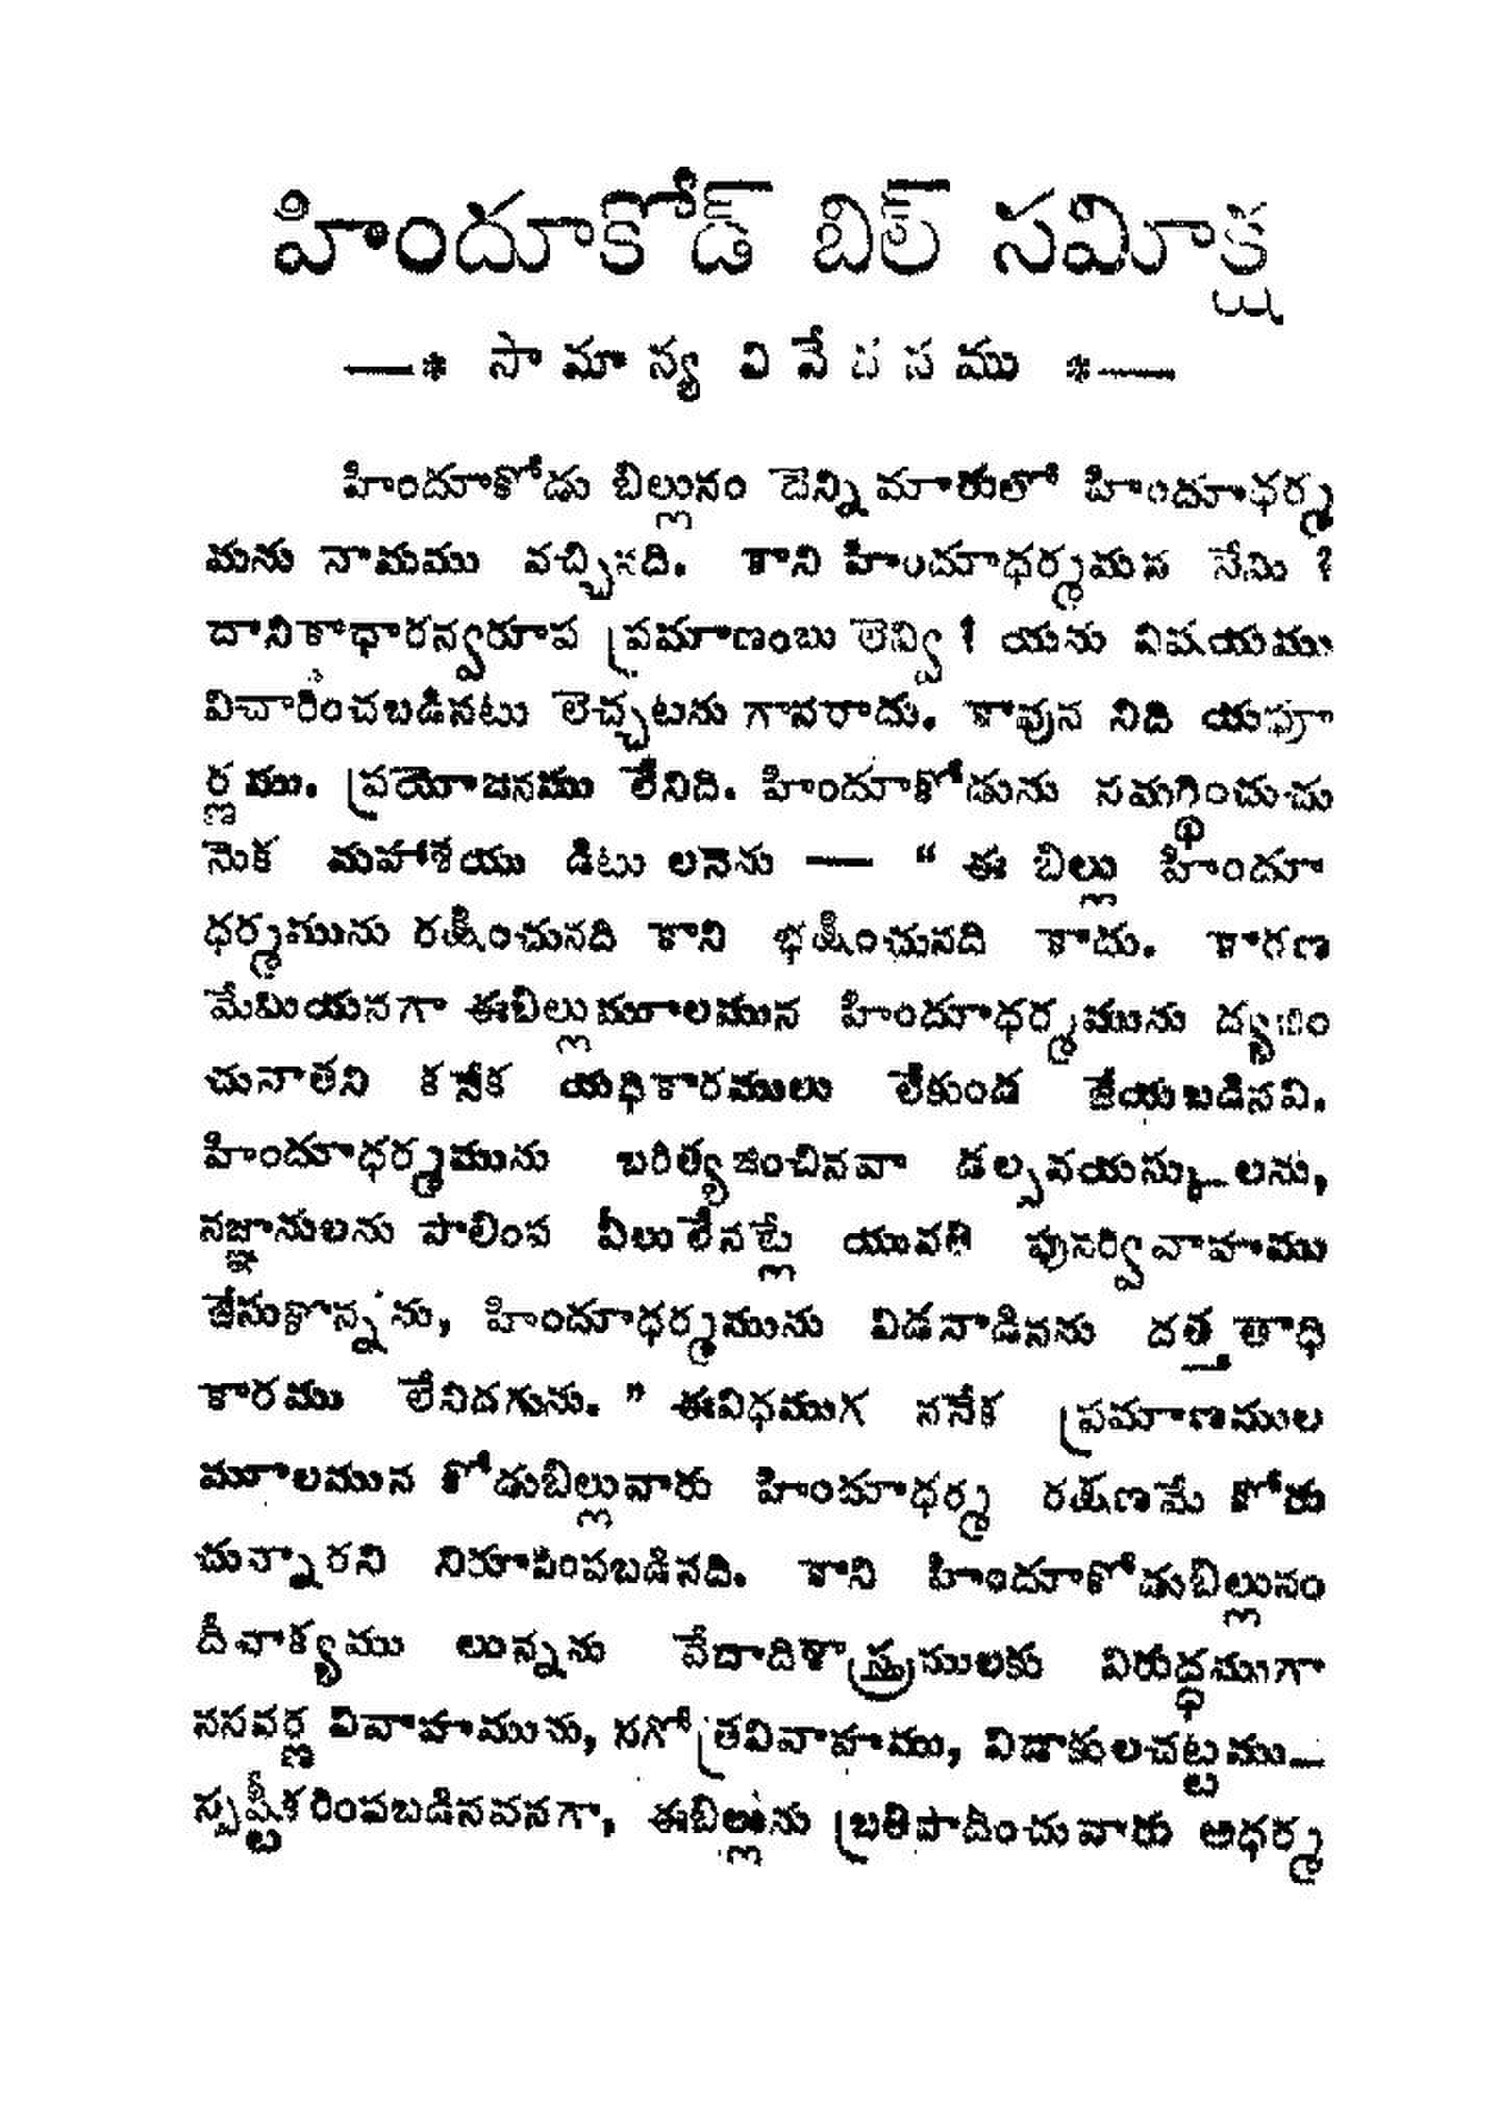హిందూకోడు బిల్లునందెన్ని మారులో హిందూధర్మ
మను నామము వచ్చినది. కాని హిందూధర్మమన నేమి ?
దానికాధారస్వరూప ప్రమాణంబు లెవ్వి ! యను విషయము
విచారించబడినటు లెచ్చటను గానరాదు. కావున నిది యపూ
ర్ణము. ప్రయోజనము లేనిది. హిందూకోడును సమర్థించుచు
నొక మహాశయు డిటు లనెను "ఈ బిల్లు హిందూధర్మమును 
రక్షించునది కాని భక్షించునది కాదు. కారణమేమియనగా
ఈబిల్లుమూలమున హిందూధర్మమును ద్యజించునాతని 
కనేక యధికారములు లేకుండ జేయబడినవి.
హిందూధర్మమును బరిత్యజించినవా డల్పవయస్కులను,
నజ్ఞానులను పాలింప వీలు లేనట్లే యువతి పునర్వివాహము
జేసుకొన్నను, హిందూధర్మమును విడనాడినను దత్త తాధి
కారము లేనిదగును. " ఈ విధముగ ననేక ప్రమాణముల
మూలమున కోడుబిల్లువారు హిందూధర్మ రక్షణమే కోరు
చున్నారని నిరూపింపబడినది. కాని హిందూకోడు బిల్లునందీ
వాక్యము లున్నను వేదాది శాస్త్రములకు విరుద్ధముగా
నసవర్ణ వివాహమును, సగోత్రవివాహము, విడాకులచట్టము -
స్పష్టీకరింపబడినవనగా, ఈబిల్లును బ్రతిపాదించువారు అధర్మ